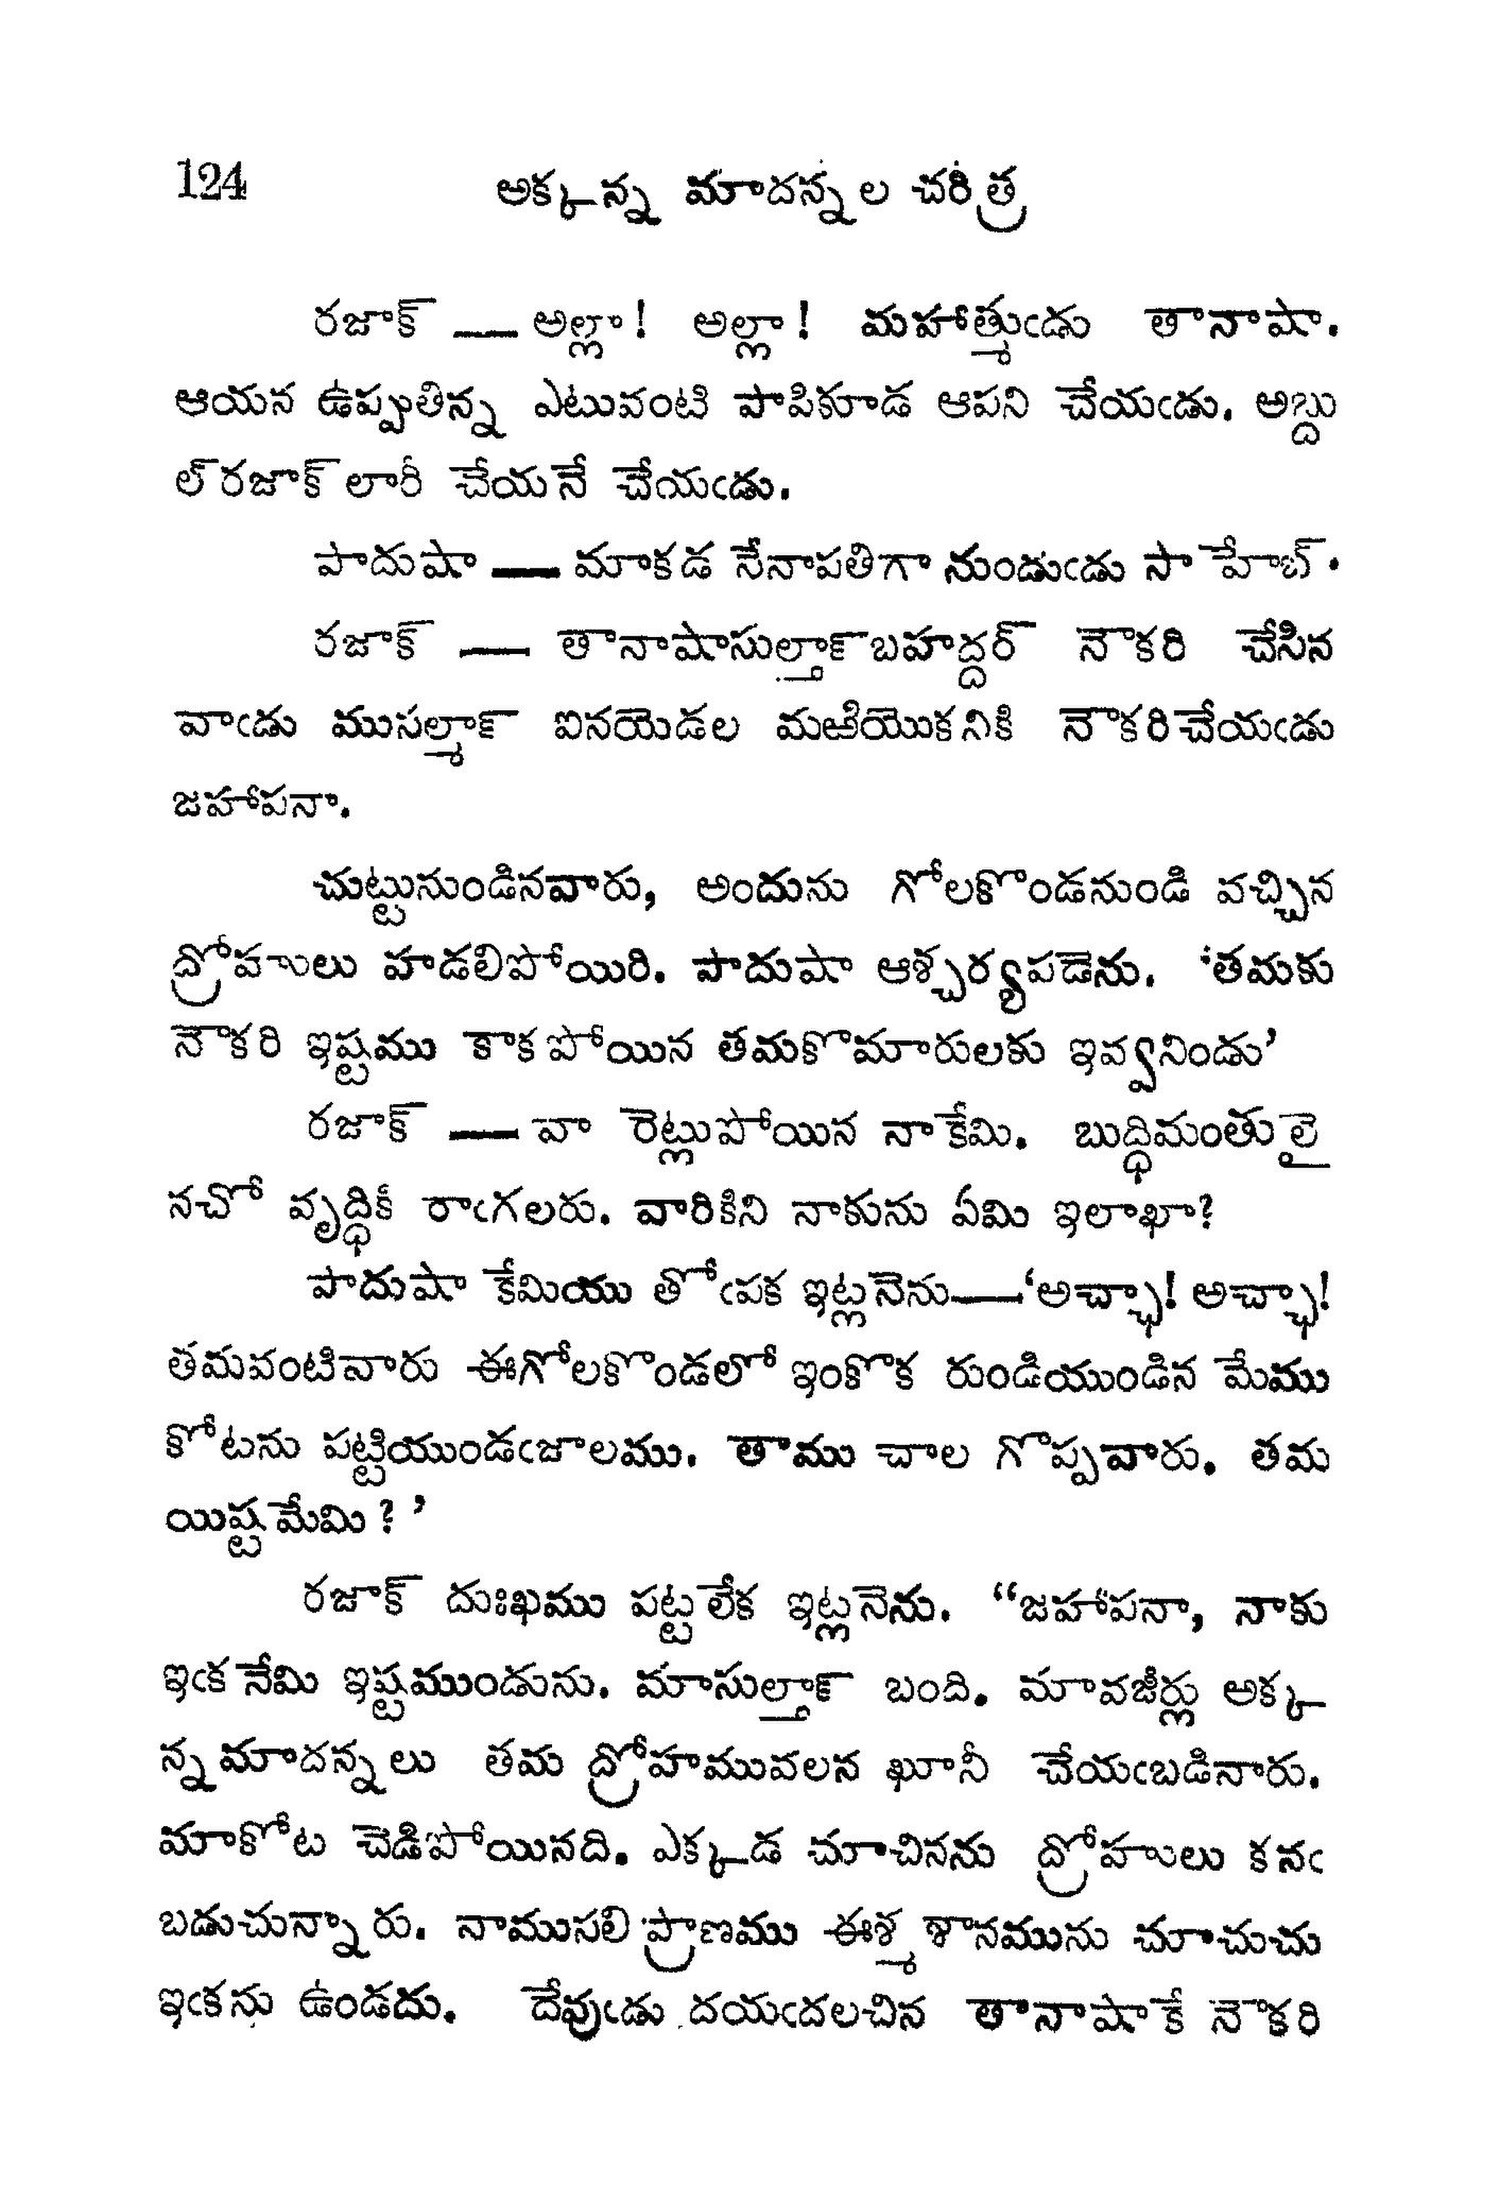రజాక్ ― అల్లా! అల్లా! మహాత్ముఁడు తానాషా. ఆయన ఉప్పుతిన్న ఎటువంటి పాపికూడ ఆపని చేయఁడు. అబ్దుల్‌రజాక్‌లారీ చేయనే చేయఁడు.

పాదుషా ― మాకడ సేనాపతిగా నుండుఁడు సాహేబ్.

రజాక్ ― తానాషాసుల్తాౝబహద్దర్ నౌకరి చేసినవాఁడు ముసల్మాౝ ఐనయెడల మఱియొకనికి నౌకరిచేయఁడు జహాపనా.

చుట్టునుండినవారు, అందును గోలకొండనుండి వచ్చిన ద్రోహులు హడలిపోయిరి. పాదుషా ఆశ్చర్యపడెను. తమకు నౌకరి ఇష్టము కాకపోయిన తమకొమారులకు ఇవ్వనిండు’

రజాక్ ― వా రెట్లు పోయిన నాకేమి. బుద్ధిమంతులైనచో వృద్ధికి రాఁగలరు. వారికిని నాకును ఏమి ఇలాఖా?

పాదుషా కేమియు తోఁపక ఇట్లనెను ― ‘అచ్ఛా! అచ్ఛా! తమవంటివారు ఈగోలకొండలో ఇంకొక రుండియుండిన మేము కోటను పట్టియుండఁజాలము. తాము చాల గొప్పవారు. తమ యిష్టమేమి?’

రజాక్ దుఃఖము పట్టలేక ఇట్లనెను. “జహాపనా, నాకు ఇఁకనేమి ఇష్టముండును. మాసుల్తాౝ బంది. మావజీర్లు అక్కన్నమాదన్నలు తమ ద్రోహమువలన ఖూనీ చేయఁబడినారు. మాకోట చెడిపోయినది. ఎక్కడ చూచినను ద్రోహులు కనఁబడుచున్నారు. నాముసలి ప్రాణము ఈశ్మశానమును చూచుచు ఇఁకను ఉండదు. దేవుఁడు దయఁదలచిన తానాషాకే నౌకరి